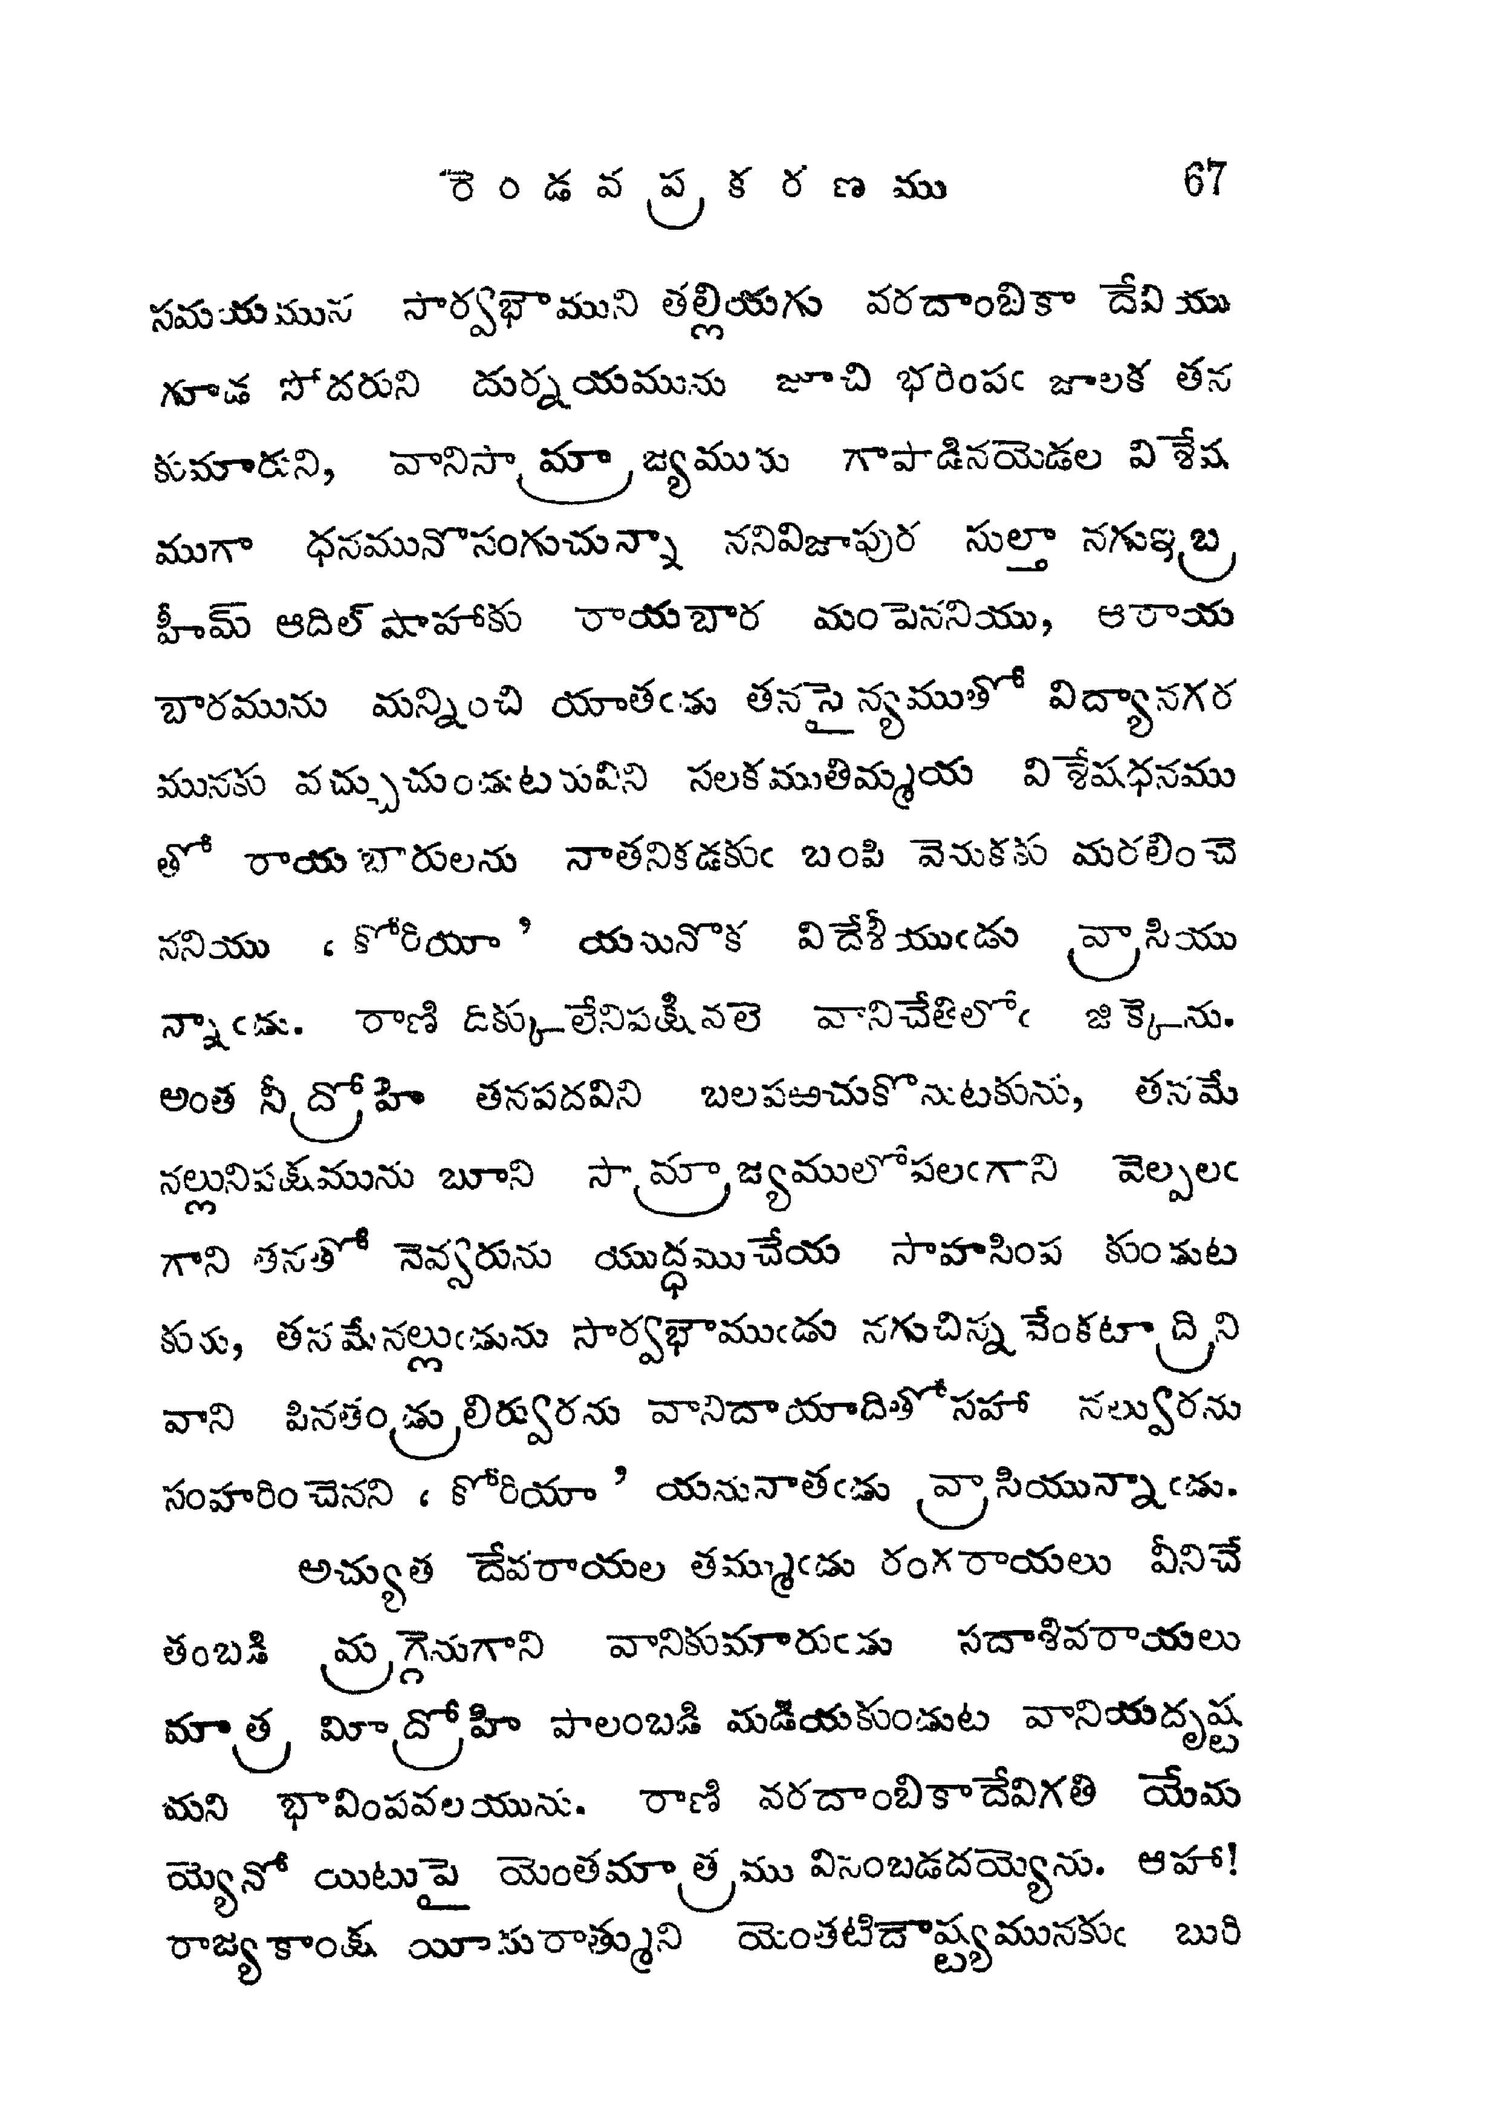సమయమున సార్వభౌముని తల్లియగు వరదాంబికా దేవియు గూడ సోదరుని దుర్నయమును జూచి భరింప జాలక తన కుమారుని, వానిసామ్రాజ్యమును గాపాడినయెడల విశేషముగా ధనమునొసంగుచున్నా ననివిజాపుర సుల్తా నగుఇబ్రహీమ్ ఆదిల్‌షాహాకు రాయభార మంపెననియు, ఆరాయబారమును మన్నించి యాతడు తనసైన్యముతో విద్యానగరమునకు వచ్చుచుండుటను విని సలకముతిమ్మయ విశేషధనముతో రాయబారులను నాతనికడకు బంపి వెనుకకు మరలించెననియు 'కోరియా' యనునొక విదేశీయుడు వ్రాసియున్నాడు. రాణి దిక్కులేనిపక్షివలె వానిచేతిలో జిక్కెను. అంత నీద్రోహి తనపదవిని బలపఱచుకొనుటకును, తనమేనల్లునిపక్షమును బూని సామ్రాజ్యములోపలగాని వెల్పలగాని తనతో నెవ్వరును యుద్ధముచేయ సాహసింప కుండుటకును, తనమేనల్లుడును సార్వభౌముడు నగుచిన్నవేంకటాద్రిని వాని పినతండ్రులిర్వురను వానిదాయాదితోసహా నల్వురను సంహరించెనని 'కోరియా' యనునాతడు వ్రాసియున్నాడు.

అచ్యుత దేవరాయల తమ్ముడు రంగరాయలు వీనిచేతంబడి మ్రగ్గెనుగాని వానికుమారుడు సదాశివరాయలు మాత్ర మీద్రోహి పాలంబడి మడియకుండుట వానియదృష్టమని భావింపవలయును. రాణి వరదాంబికాదేవిగతి యేమయ్యెనో యిటుపై యెంతమాత్రము వినంబడదయ్యెను. ఆహా! రాజ్యకాంక్ష యీదురాత్ముని యెంతటిదౌష్ట్యమునకు బురి